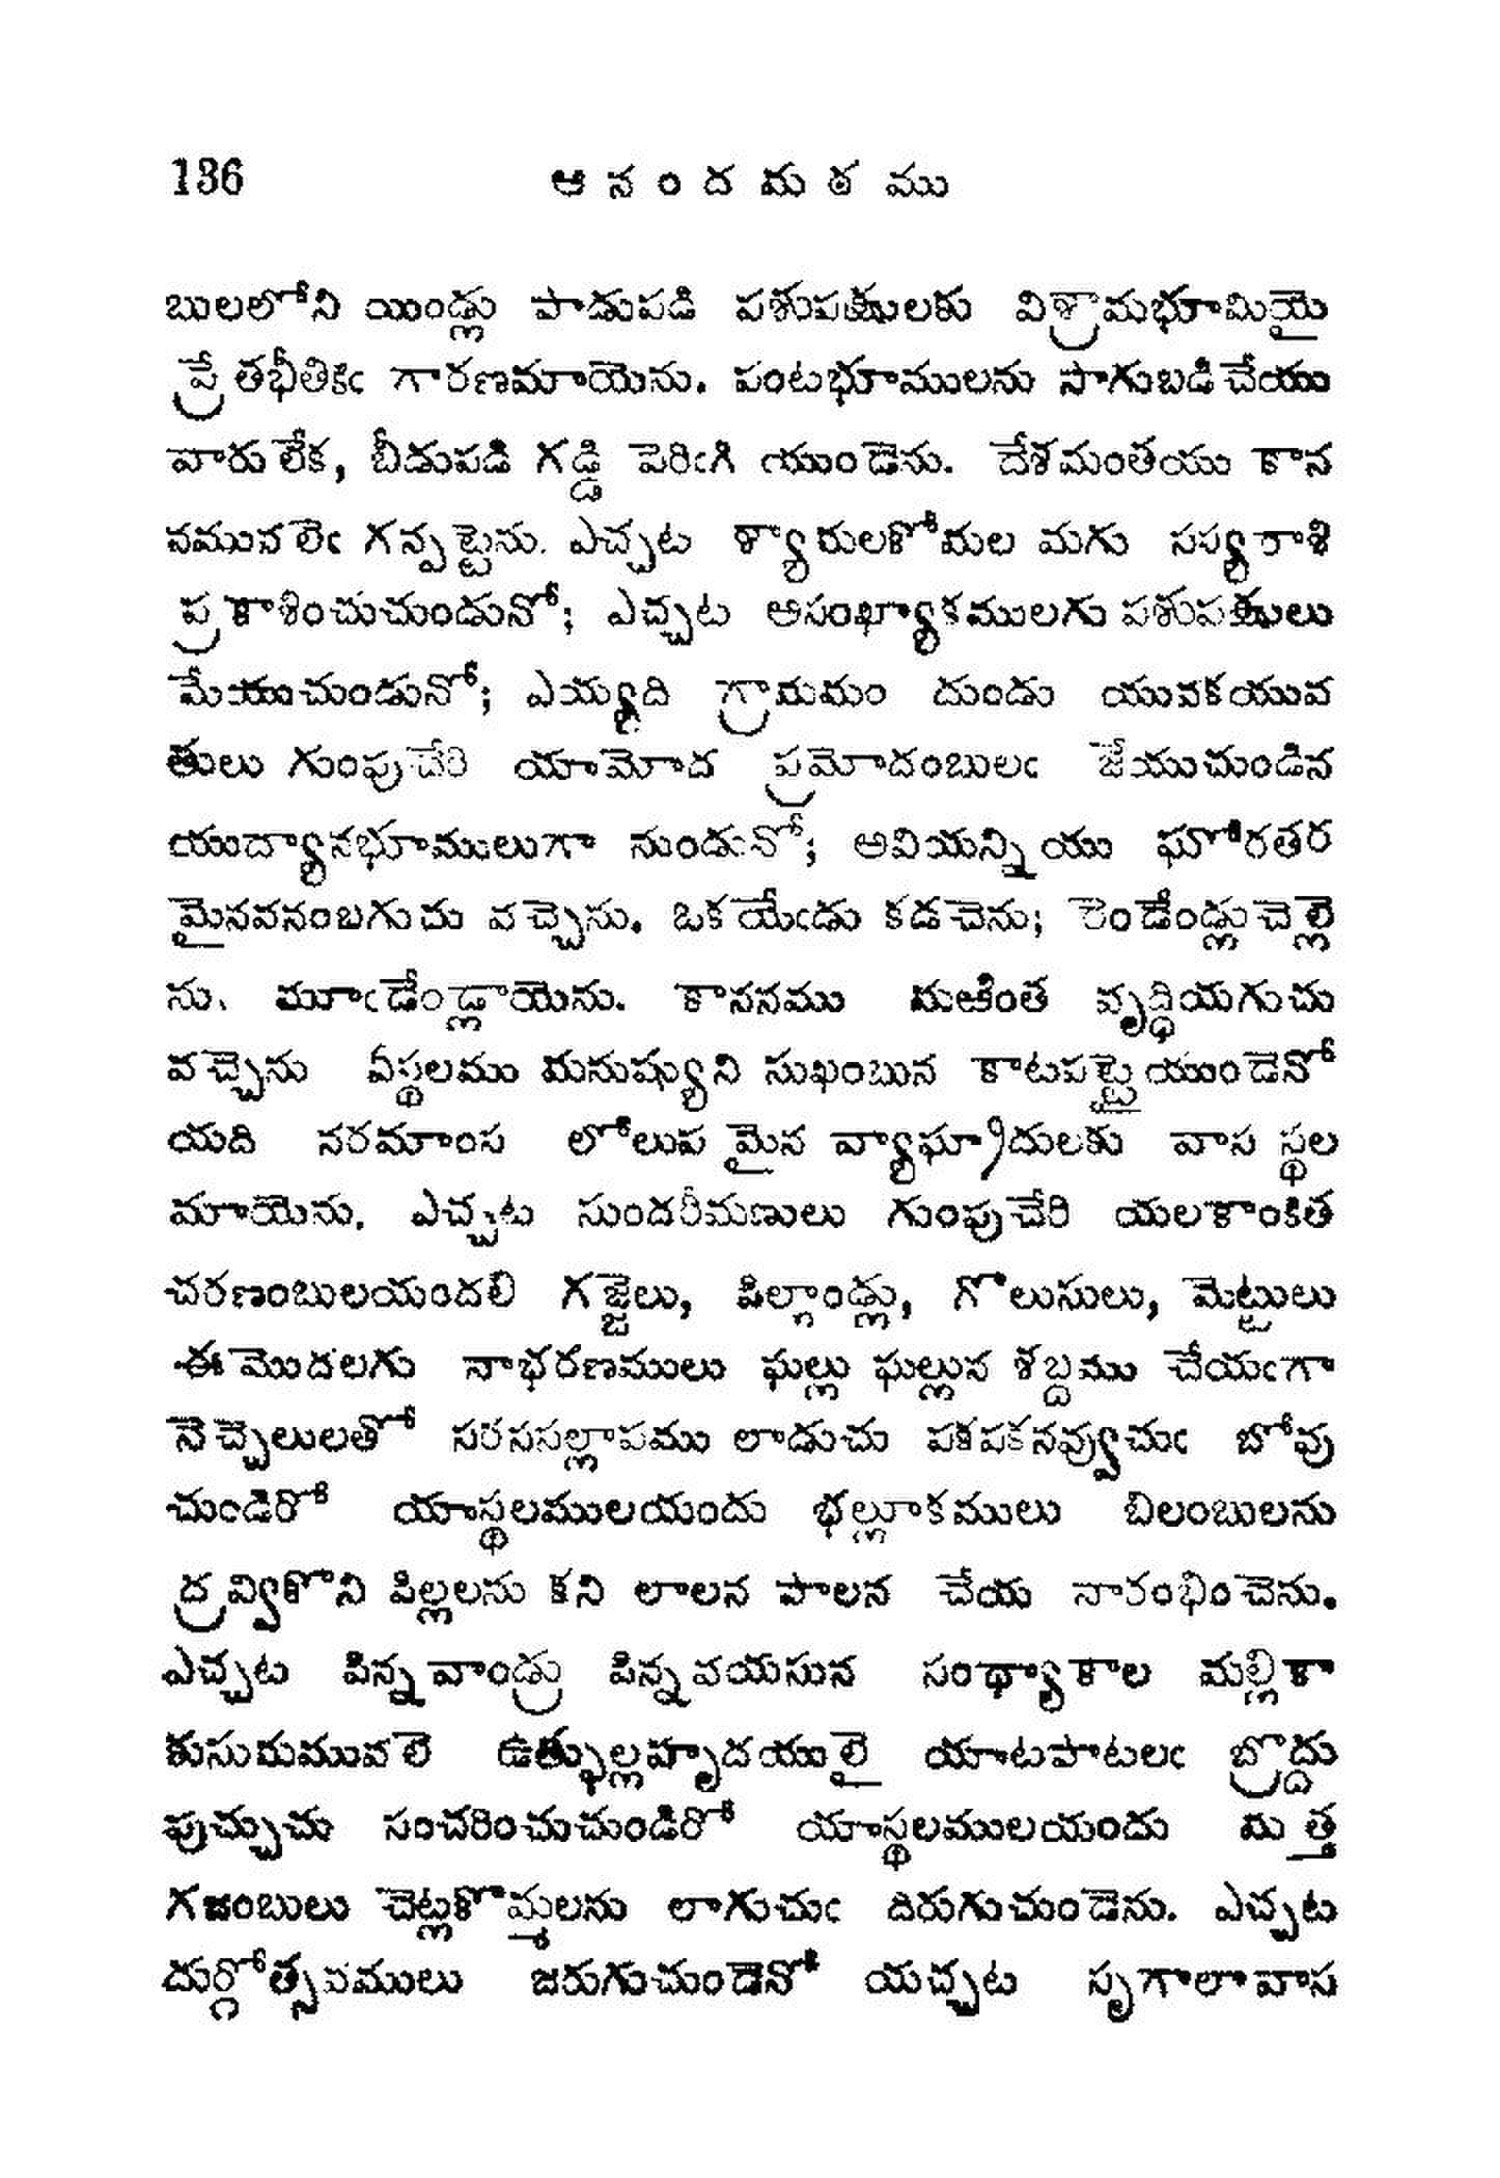బులలోని యిండ్లు పాడుపడి పశుపక్షులకు విశ్రామభూమియై ప్రేతభీతికిఁ గారణమాయెను. పంటభూములను సాగుబడి చేయువారు లేక, బీడుపడి గట్టి పెరిఁగి యుండెను. దేశమంతయు కాననమున లేఁ గన్పట్టెను. ఎచ్చట శ్యామలకోమల మగు సస్య రాశి ప్రకాశించుచుండునో; ఎచ్చట అసంఖ్యాకములగు పశుపక్షులు మేయుచుండునో; ఎయ్యది. గ్రామమం దుండు యువకయువతులు గుంపు చేరి యామోద ప్రమోదంబులఁ జేయుచుండిన యుద్యానభూములుగా నుండునో; అవియన్నియు ఘోరతరమైనవనంబగుచు వచ్చెను. ఒక యేఁడు కడచెను; రెండేండ్లు చెల్లెను, మూఁడేండ్లాయెను. కాననము మఱింత వృద్ధియగుచు వచ్చెను. ఏస్థలము మనుష్యుని సుఖంబున కాటపట్టై యుండెనో యది నరమాంస లోలుప మైన వ్యాఘ్రదులకు వాస స్థలమాయెను, ఎచ్చట సుందరీమణులు గుంపు చేరి యలకాంకిత చరణంబులయందలి గజ్జెలు, పిల్లాండ్లు, గోలుసులు, మెట్టులు ఈ మొదలగు నాభరణములు ఘల్లు ఘల్లున శబ్దము చేయఁగా నెచ్చెలులతో సరససల్లాపము లాడుచు పకపక నవ్వుచుఁ బోవుచుండిరో యాస్థలములయందు భల్లూకములు బిలంబులను ద్రవ్వికోని పిల్లలను కని లాలన పాలన చేయ నారంభించెను. ఎచ్చట పిన్న వాండ్రు పిన్న వయసున సంధ్యాకాల మల్లికా కుసుమమువలె ఉత్ఫుల్లహృదయులై యాటపాటలఁ బొద్దు పుచ్చుచు సంచరించుచుండిరో యాస్థలములయందు మత్తగజంబులు చెట్ల కొమ్మలను లాగుచుఁ దిరుగుచుండెను. ఎచ్చట దుర్గోత్సవములు జరుగుచుండెనో యచ్చట సృగాలావాస